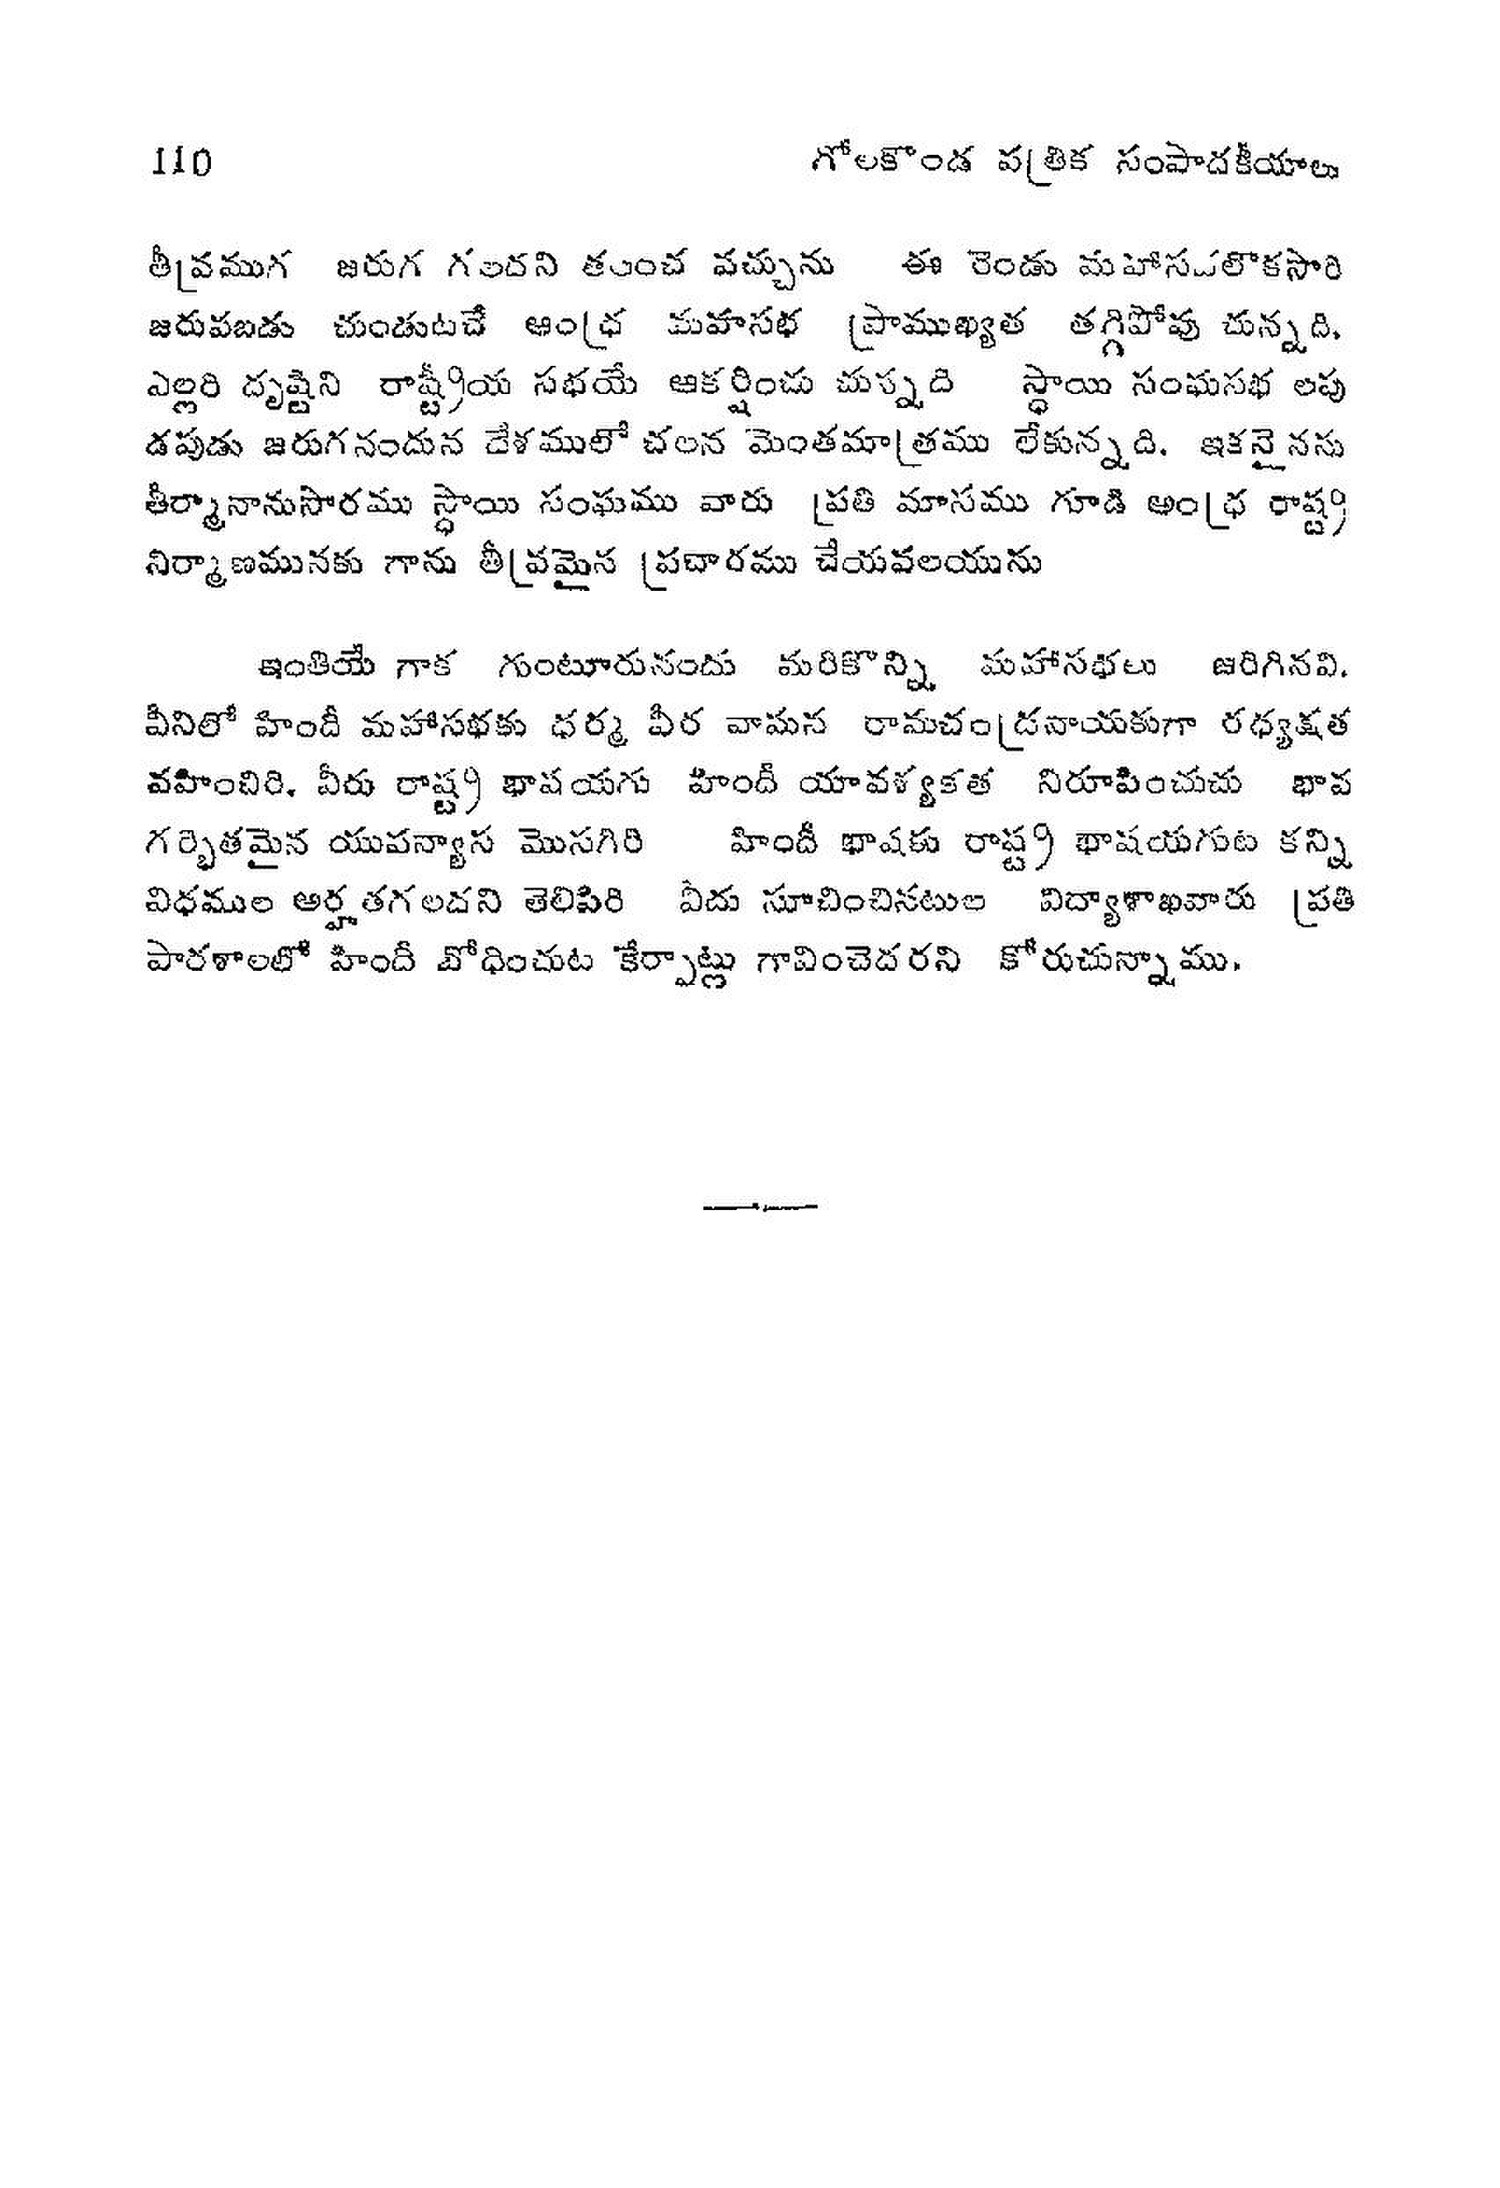తీవ్రముగ జరుగ గలదని తలంచ వచ్చును ఈ రెండు మహాసభలొకసారి జరుపబడు చుండుటచే ఆంధ్ర మహాసభ ప్రాముఖ్యత తగ్గిపోవు చున్నది. ఎల్లరి దృష్టిని రాష్ట్రీయ సభయే ఆకర్షించు చున్నది స్థాయి సంఘసభ లపుడపుడు జరుగనందున దేశములో చలన మెంతమాత్రము లేకున్నది. ఇకనైనసు తీర్మానానుసారము స్థాయి సంఘము వారు ప్రతి మాసము గూడి అంధ్ర రాష్ట్ర నిర్మాణమునకు గాను తీవ్రమైన ప్రచారము చేయవలయును

ఇంతియే గాక గుంటూరునందు మరికొన్ని మహాసభలు జరిగినవి. వీనిలో హిందీ మహాసభకు ధర్మ వీర వామన రామచంద్రనాయకుగా రధ్యక్షత వహించిరి. వీరు రాష్ట్ర భాషయగు హిందీ యావశ్యకత నిరూపించుచు భావగర్భితమైన యుపన్యాస మొసగిరి హిందీ భాషకు రాష్ట్ర భాషయగుట కన్ని విధముల అర్హతగలదని తెలిపిరి
వీరు సూచించినటుల విద్యాశాఖవారు ప్రతి పాఠశాలలో హిందీ బోధించుట కేర్పాట్లు గావించెదరని కోరుచున్నాము.